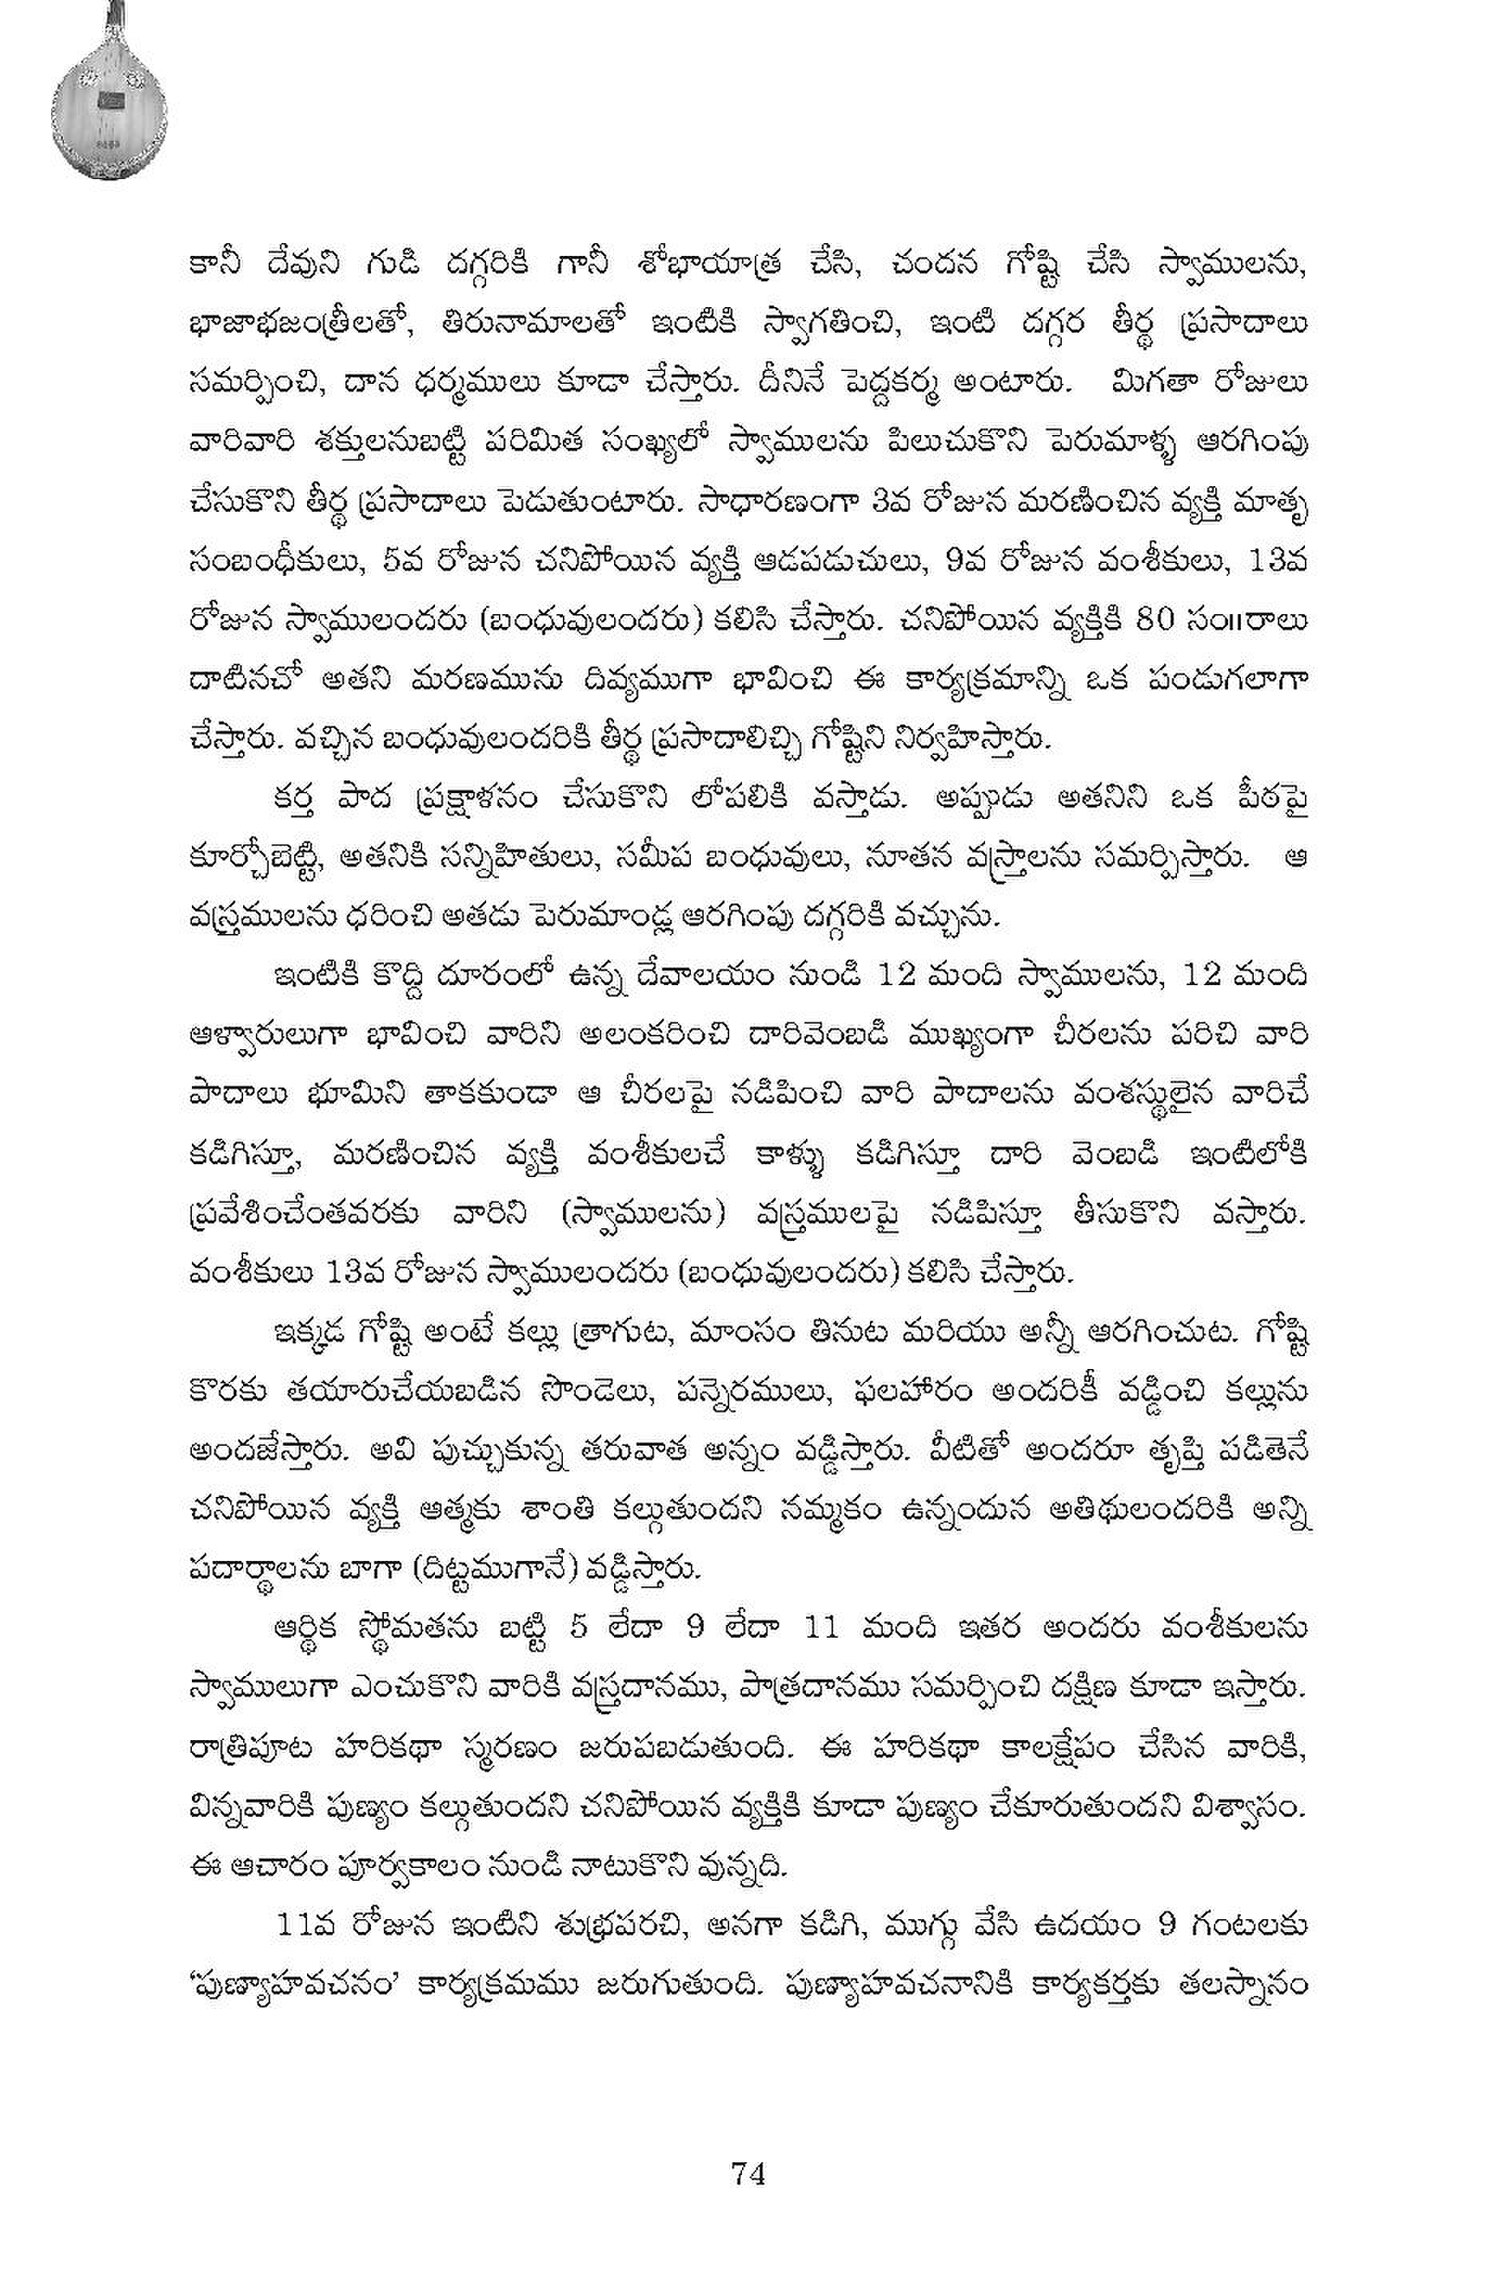కానీ దేవుని గుడి దగ్గరికి గానీ శోభాయాత్ర చేసి, చందన గోష్టి చేసి స్వాములను, భాజాభజంత్రీలతో, తిరునామాలతో ఇంటికి స్వాగతించి, ఇంటి దగ్గర తీర్థ ప్రసాదాలు సమర్పించి, దాన ధర్మములు కూడా చేస్తారు. దీనినే పెద్దకర్మ అంటారు. మిగతా రోజులు వారివారి శక్తులనుబట్టి పరిమిత సంఖ్యలో స్వాములను పిలుచుకొని పెరుమాళ్ళ ఆరగింపు చేసుకొని తీర్థ ప్రసాదాలు పెడుతుంటారు. సాధారణంగా 3వ రోజున మరణించిన వ్యక్తి మాతృ సంబంధీకులు, 5వ రోజున చనిపోయిన వ్యక్తి ఆడపడుచులు, 9వ రోజున వంశీకులు, 13వ రోజున స్వాములందరు (బంధువులందరు కలిసి చేస్తారు. చనిపోయిన వ్యక్తికి 80 సం॥రాలు దాటినచో అతని మరణమును దివ్యముగా భావించి ఈ కార్యక్రమాన్ని ఒక పండుగలాగా చేస్తారు. వచ్చిన బంధువులందరికి తీర్థ ప్రసాదాలిచ్చి గోష్టిని నిర్వహిస్తారు.

కర్త పాద ప్రక్షాళనం చేసుకొని లోపలికి వస్తాడు. అప్పుడు అతనిని ఒక పీఠపై కూర్చోబెట్టి, అతనికి సన్నిహితులు, సమీప బంధువులు, నూతన వస్త్రాలను సమర్పిస్తారు. ఆ వస్త్రములను ధరించి అతడు పెరుమాండ్ల ఆరగింపు దగ్గరికి వచ్చును.

ఇంటికి కొద్ది దూరంలో ఉన్న దేవాలయం నుండి 12 మంది స్వాములను, 12 మంది ఆళ్వారులుగా భావించి వారిని అలంకరించి దారివెంబడి ముఖ్యంగా చీరలను పరిచి వారి పాదాలు భూమిని తాకకుండా ఆ చీరలపై నడిపించి వారి పాదాలను వంశస్థులైన వారిచే కడిగిస్తూ, మరణించిన వ్యక్తి వంశీకులచే కాళ్ళు కడిగిస్తూ దారి వెంబడి ఇంటిలోకి
ప్రవేశించేంతవరకు వారిని (స్వాములను) వస్త్రములపై నడిపిస్తూ తీసుకొని వస్తారు. వంశీకులు 13వ రోజున స్వాములందరు (బంధువులందరు కలిసి చేస్తారు.

ఇక్కడ గోష్టి అంటే కల్లు త్రాగుట, మాంసం తినుట మరియు అన్నీ ఆరగించుట. గోష్టి కొరకు తయారుచేయబడిన సొండెలు, పన్నెరములు, ఫలహారం అందరికీ వడ్డించి కల్లును అందజేస్తారు. అవి పుచ్చుకున్న తరువాత అన్నం వడ్డిస్తారు. వీటితో అందరూ తృప్తి పడితేనే చనిపోయిన వ్యక్తి ఆత్మకు శాంతి కల్గుతుందని నమ్మకం ఉన్నందున అతిథులందరికి అన్ని పదార్థాలను బాగా (దిట్టముగానే వడ్డిస్తారు.

ఆర్థిక స్థోమతను బట్టి 5 లేదా 9 లేదా 11 మంది ఇతర అందరు వంశీకులను స్వాములుగా ఎంచుకొని వారికి వస్త్రదానము, పాత్రదానము సమర్పించి దక్షిణ కూడా ఇస్తారు. రాత్రిపూట హరికథా స్మరణం జరుపబడుతుంది. ఈ హరికథా కాలక్షేపం చేసిన వారికి, విన్నవారికి పుణ్యం కల్గుతుందని చనిపోయిన వ్యక్తికి కూడా పుణ్యం చేకూరుతుందని విశ్వాసం. ఈ ఆచారం పూర్వకాలం నుండి నాటుకొని వున్నది. 11వ రోజున ఇంటిని శుభ్రపరచి, అనగా కడిగి, ముగ్గు వేసి ఉదయం 9 గంటలకు
'పుణ్యాహవచనం' కార్యక్రమము జరుగుతుంది. పుణ్యాహవచనానికి కార్యకర్తకు తలస్నానం